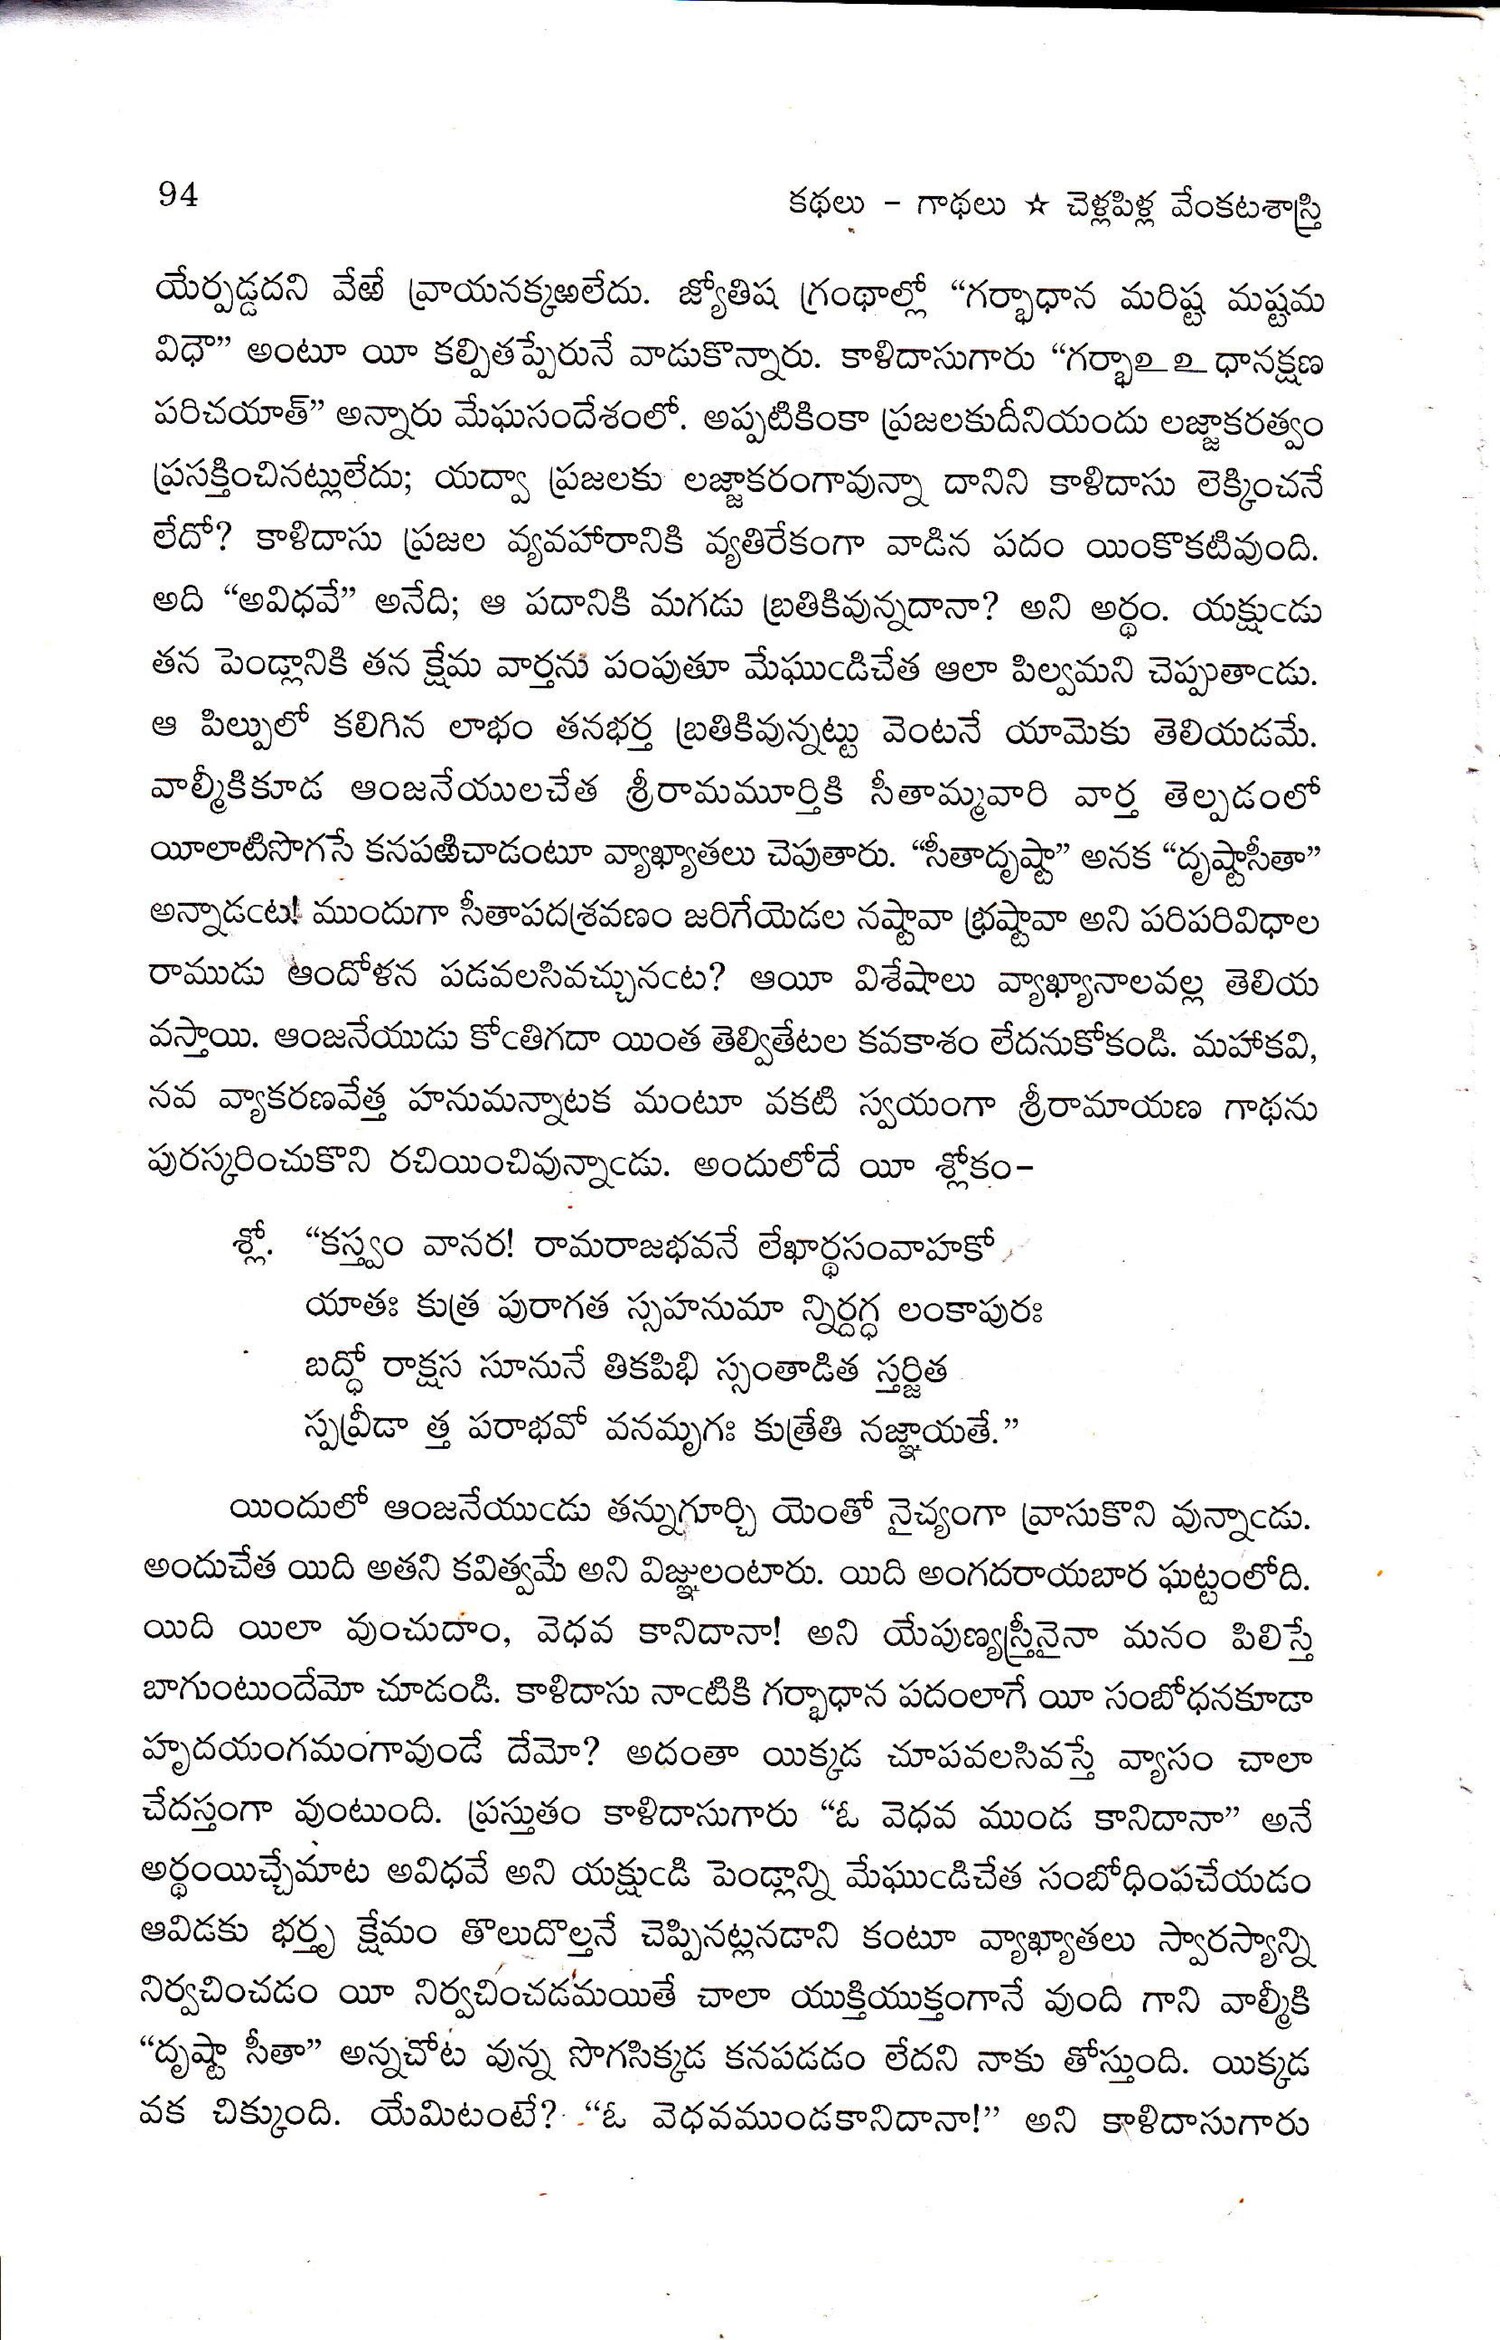యేర్పడ్డదని వేటే వ్రాయనక్కఱలేదు. జ్యోతిష గ్రంథాల్లో "గర్భాధాన మరిష్ట మష్టమ విధౌ అంటూ యీ కల్పితప్పేరునే వాడుకొన్నారు. కాళిదాసుగారు “గర్భాల__ధానక్షణ పరిచయాత్' అన్నారు మేఘసందేశంలో, అప్పటికింకా ప్రజలకు దీనియందు లజ్ఞాకరత్వం ప్రసక్తించినట్లులేదు; యద్వా ప్రజలకు లజ్ఞాకరంగావున్నా దానిని కాళిదాసు లెక్కించనే లేదో? కాళిదాసు ప్రజల వ్యవహారానికి వ్యతిరేకంగా వాడిన పదం యింకొకటివుంది. అది "అవిధవే" అనేది; ఆ పదానికి మగడు బ్రతికివున్నదానా? అని అర్థం. యక్షుండు తన పెండ్లానికి తన క్షేమ వార్తను పంపుతూ మేఘుండిచేత ఆలా పిల్వమని చెప్పతాండు. ఆ పిల్పులో కలిగిన లాభం తనభర్త బ్రతికివున్నట్టు వెంటనే యామెకు తెలియడమే. వాల్మీకికూడ ఆంజనేయులచేత శ్రీరామమూర్తికి సీతామ్మవారి వార్త తెల్పడంలో యీలాటిసొగసే కనపఱిచాడంటూ వ్యాఖ్యాతలు చెపుతారు. ‘సీతాదృష్టా" అనక “దృష్టాసీతా" అన్నాడంట! ముందుగా సీతాపదశ్రవణం జరిగేయెడల నష్టావా భ్రష్టావా అని పరిపరివిధాల రాముడు ఆందోళన పడవలసివచ్చునంట? ఆయీ విశేషాలు వ్యాఖ్యానాలవల్ల తెలియ వస్తాయి. ఆంజనేయుడు కోఁతిగదా యింత తెల్వితేటల కవకాశం లేదనుకోకండి. మహాకవి, నవ వ్యాకరణవేత్త హనుమన్నాటక మంటూ వకటి స్వయంగా శ్రీరామాయణ గాథను పురస్కరించుకొని రచియించివున్నాండు. అందులోదే యీ శ్లోకం

శ్లో "కస్త్వం వానర! రామరాజభవనే లేఖార్థసంవాహకో
 యాతః కుత్ర పురాగత స్పహనుమా నిర్దగ్ధ లంకాపురః 
 బదో రాక్షస సూనునే తికపిభి స్సంతాడిత స్తర్షిత 
 స్పన్రీడా త్త పరాభవో వనమృగః కుత్రేతి నజ్ఞాయతే."

యిందులో ఆంజనేయుండు తన్నుగూర్చి యెంతో నైచ్యంగా వ్రాసుకొని వున్నాండు. అందుచేత యిది అతని కవిత్వమే అని విజ్ఞలంటారు. యిది అంగదరాయబార ఘట్టంలోది. యిది యిలా వుంచుదాం, వెధవ కానిదానా! అని యేపుణ్యస్త్రీనైనా మనం పిలిస్తే బాగుంటుందేమో చూడండి. కాళిదాసు నాcటికి గర్భాధాన పదంలాగే యీ సంబోధనకూడా హృదయంగమంగావుండే దేమో? అదంతా యిక్కడ చూపవలసివస్తే వ్యాసం చాలా చేదస్తంగా వుంటుంది. ప్రస్తుతం కాళిదాసుగారు “ఓ వెధవ ముండ కానిదానా" అనే అర్థంయిచ్చేమాట అవిధవే అని యక్షుండి పెండ్గాన్ని మేఘండిచేత సంబోధింపచేయడం ఆవిడకు భర్తృ క్షేమం తొలుదొల్తనే చెప్పినట్లనడాని కంటూ వ్యాఖ్యాతలు స్వారస్యాన్ని నిర్వచించడం యీ నిర్వచించడమయితే చాలా యుక్తియుక్తంగానే వుంది గాని వాల్మీకి “దృష్టా సీతా" అన్నచోట వున్న సొగసిక్కడ కనపడడం లేదని నాకు తోస్తుంది. యిక్కడ వక చిక్కుంది. యేమిటంటే? “ఓ వెధవముండకానిదానా!” అని కాళిదాసుగారు